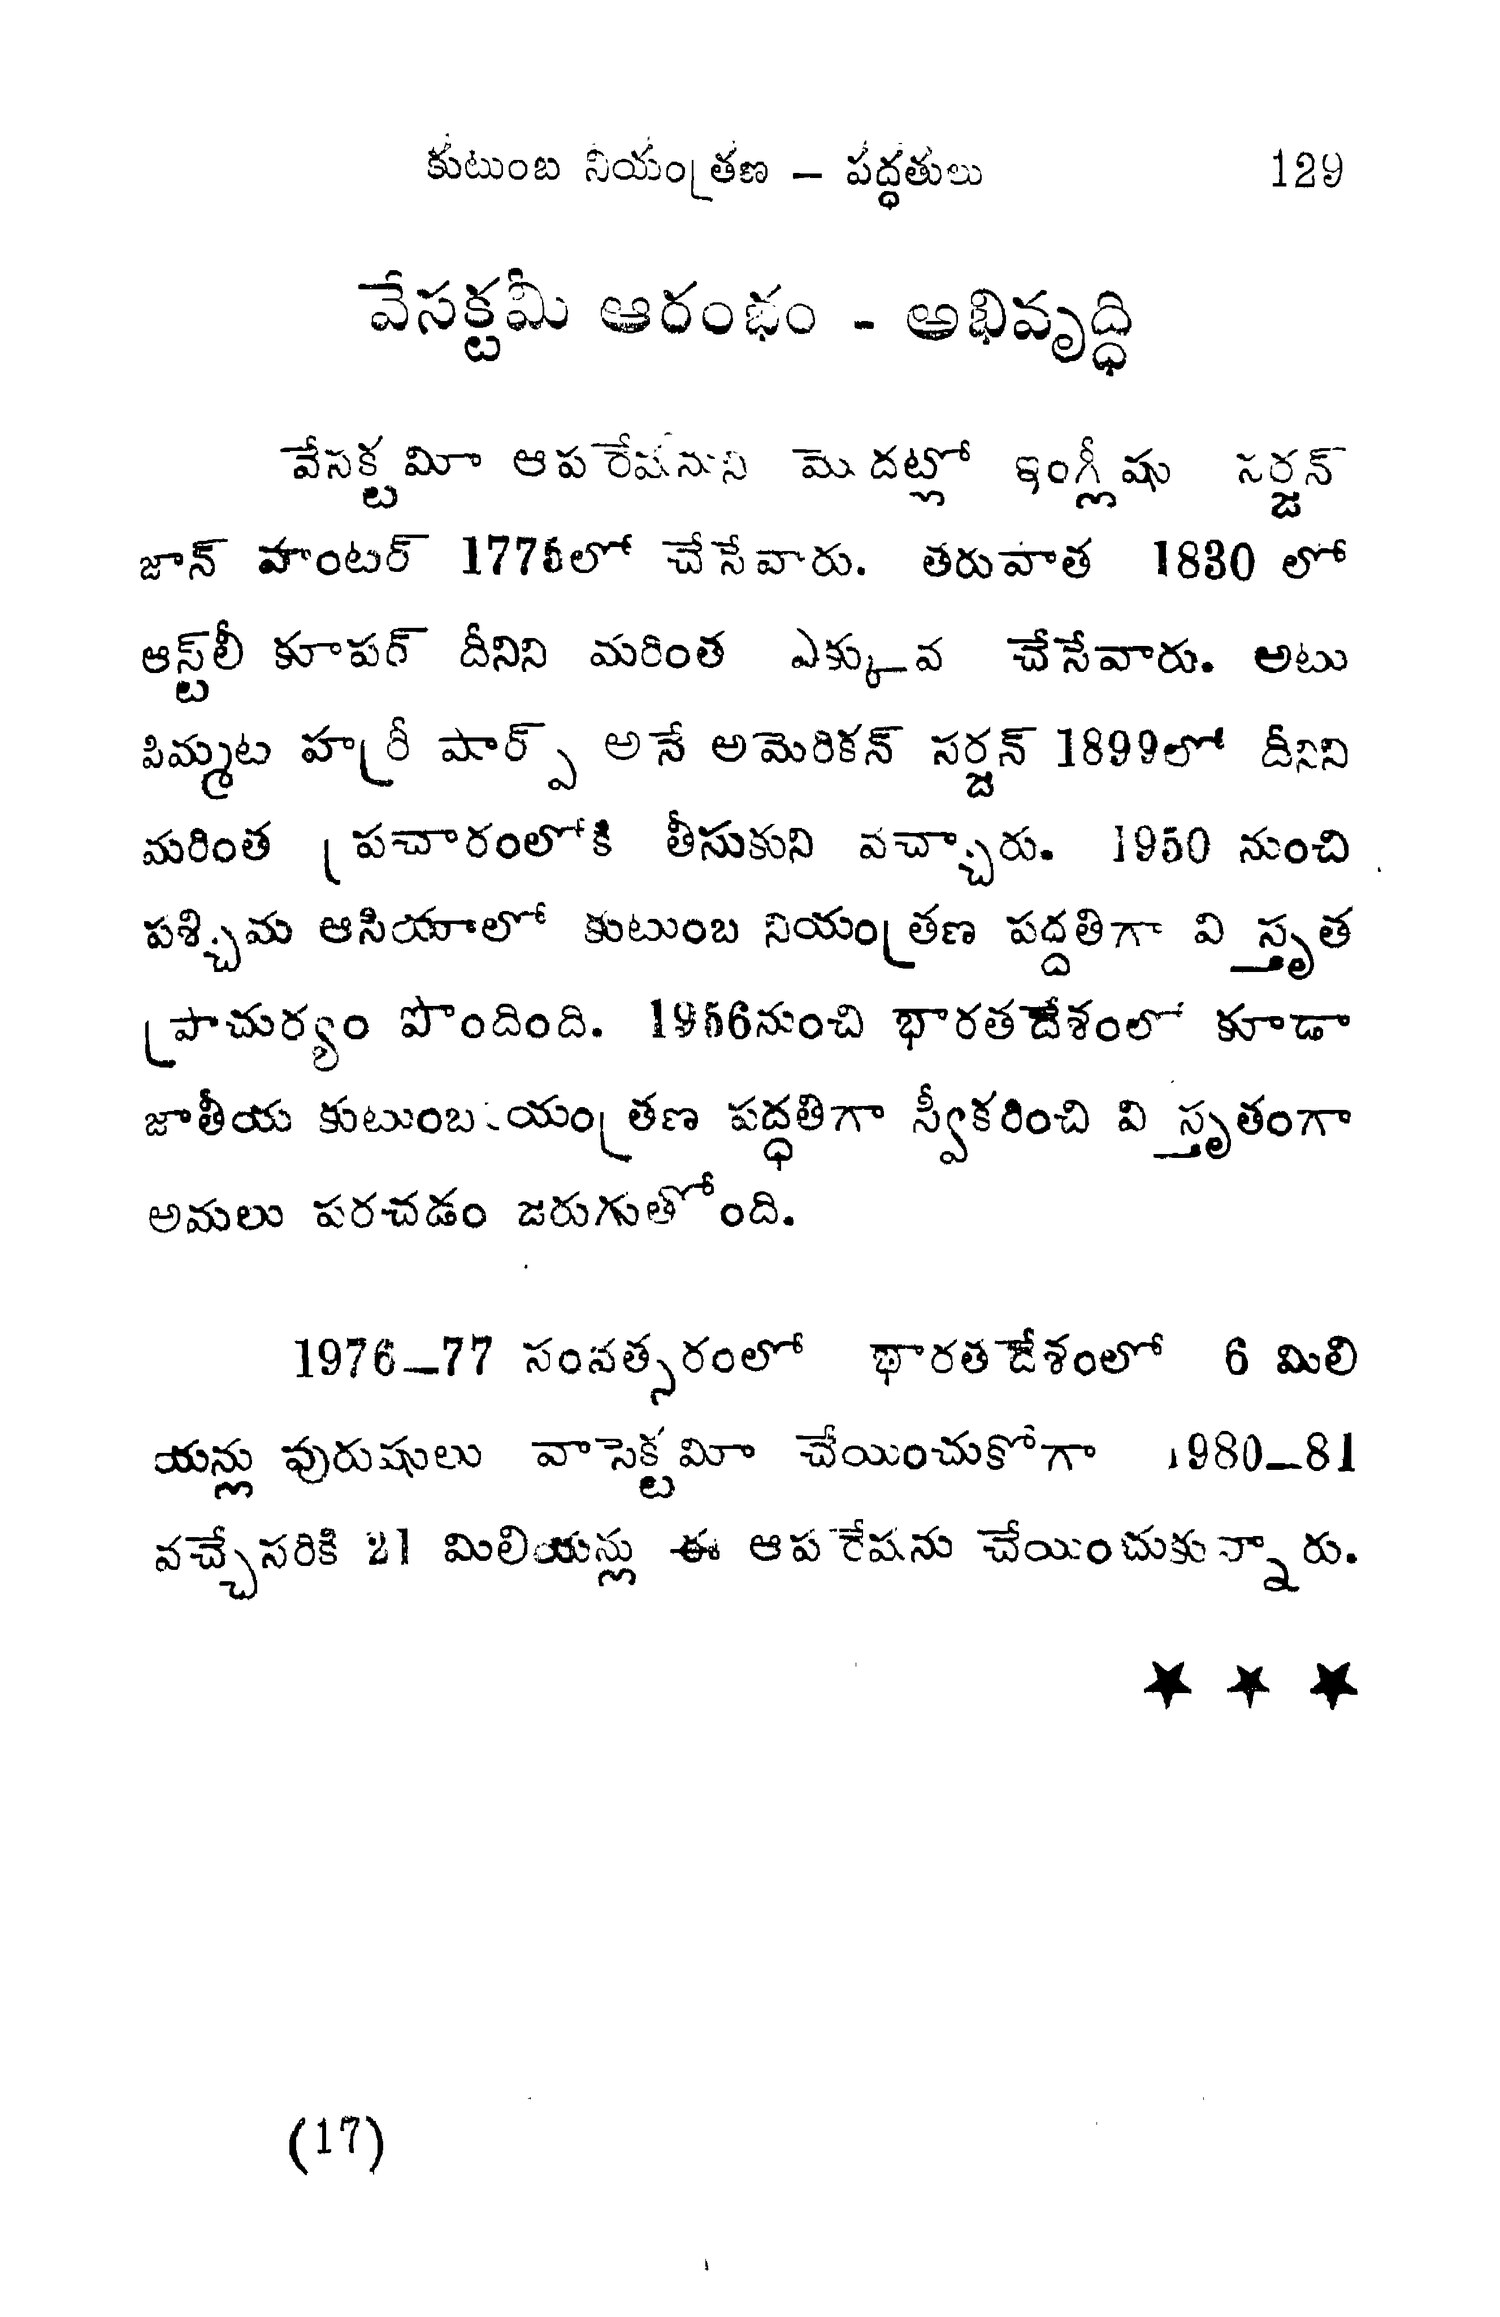వేసక్టమీ ఆపరేషనుని మొదట్లో ఇంగ్లీషు సర్జన్ జాన్ హంటర్ 1775 లో చేసేవారు. తరువాత 1830 లో ఆస్ట్‌లీ కూపర్ దీనిని మరింత ఎక్కువ చేసేవారు. అటుపిమ్మట హర్రీ షార్స్ అనె అమెరికన్ సర్జన్ 1899 లో దీనిని మరింత ప్రచారంలోకి తీసుకుని వచ్చారు. 1950 నుంచి పశ్చిమ ఆసియాలో కుటుంబ నియంత్రణ పద్ధతిగా విస్తృత ప్రాచుర్యం పొందింది. 1956 నుంచి భారతదేశంలో కూడా జాతీయ కుటుంబ నియంత్రణ పద్ధతిగా స్వీకరించి విస్తృతంగా అమలు పరచడం జరుగుతోంది.

1976-77 సంవత్సరంలో భారతదేశంలో 6 మిలియన్లు పురుషులు వాసెక్టమీ చేయిందుకోగా 1980--81 వచ్చేసరికి 21 మిలియన్లు ఈ ఆపరేషను చేయించుకున్నారు.

* * *